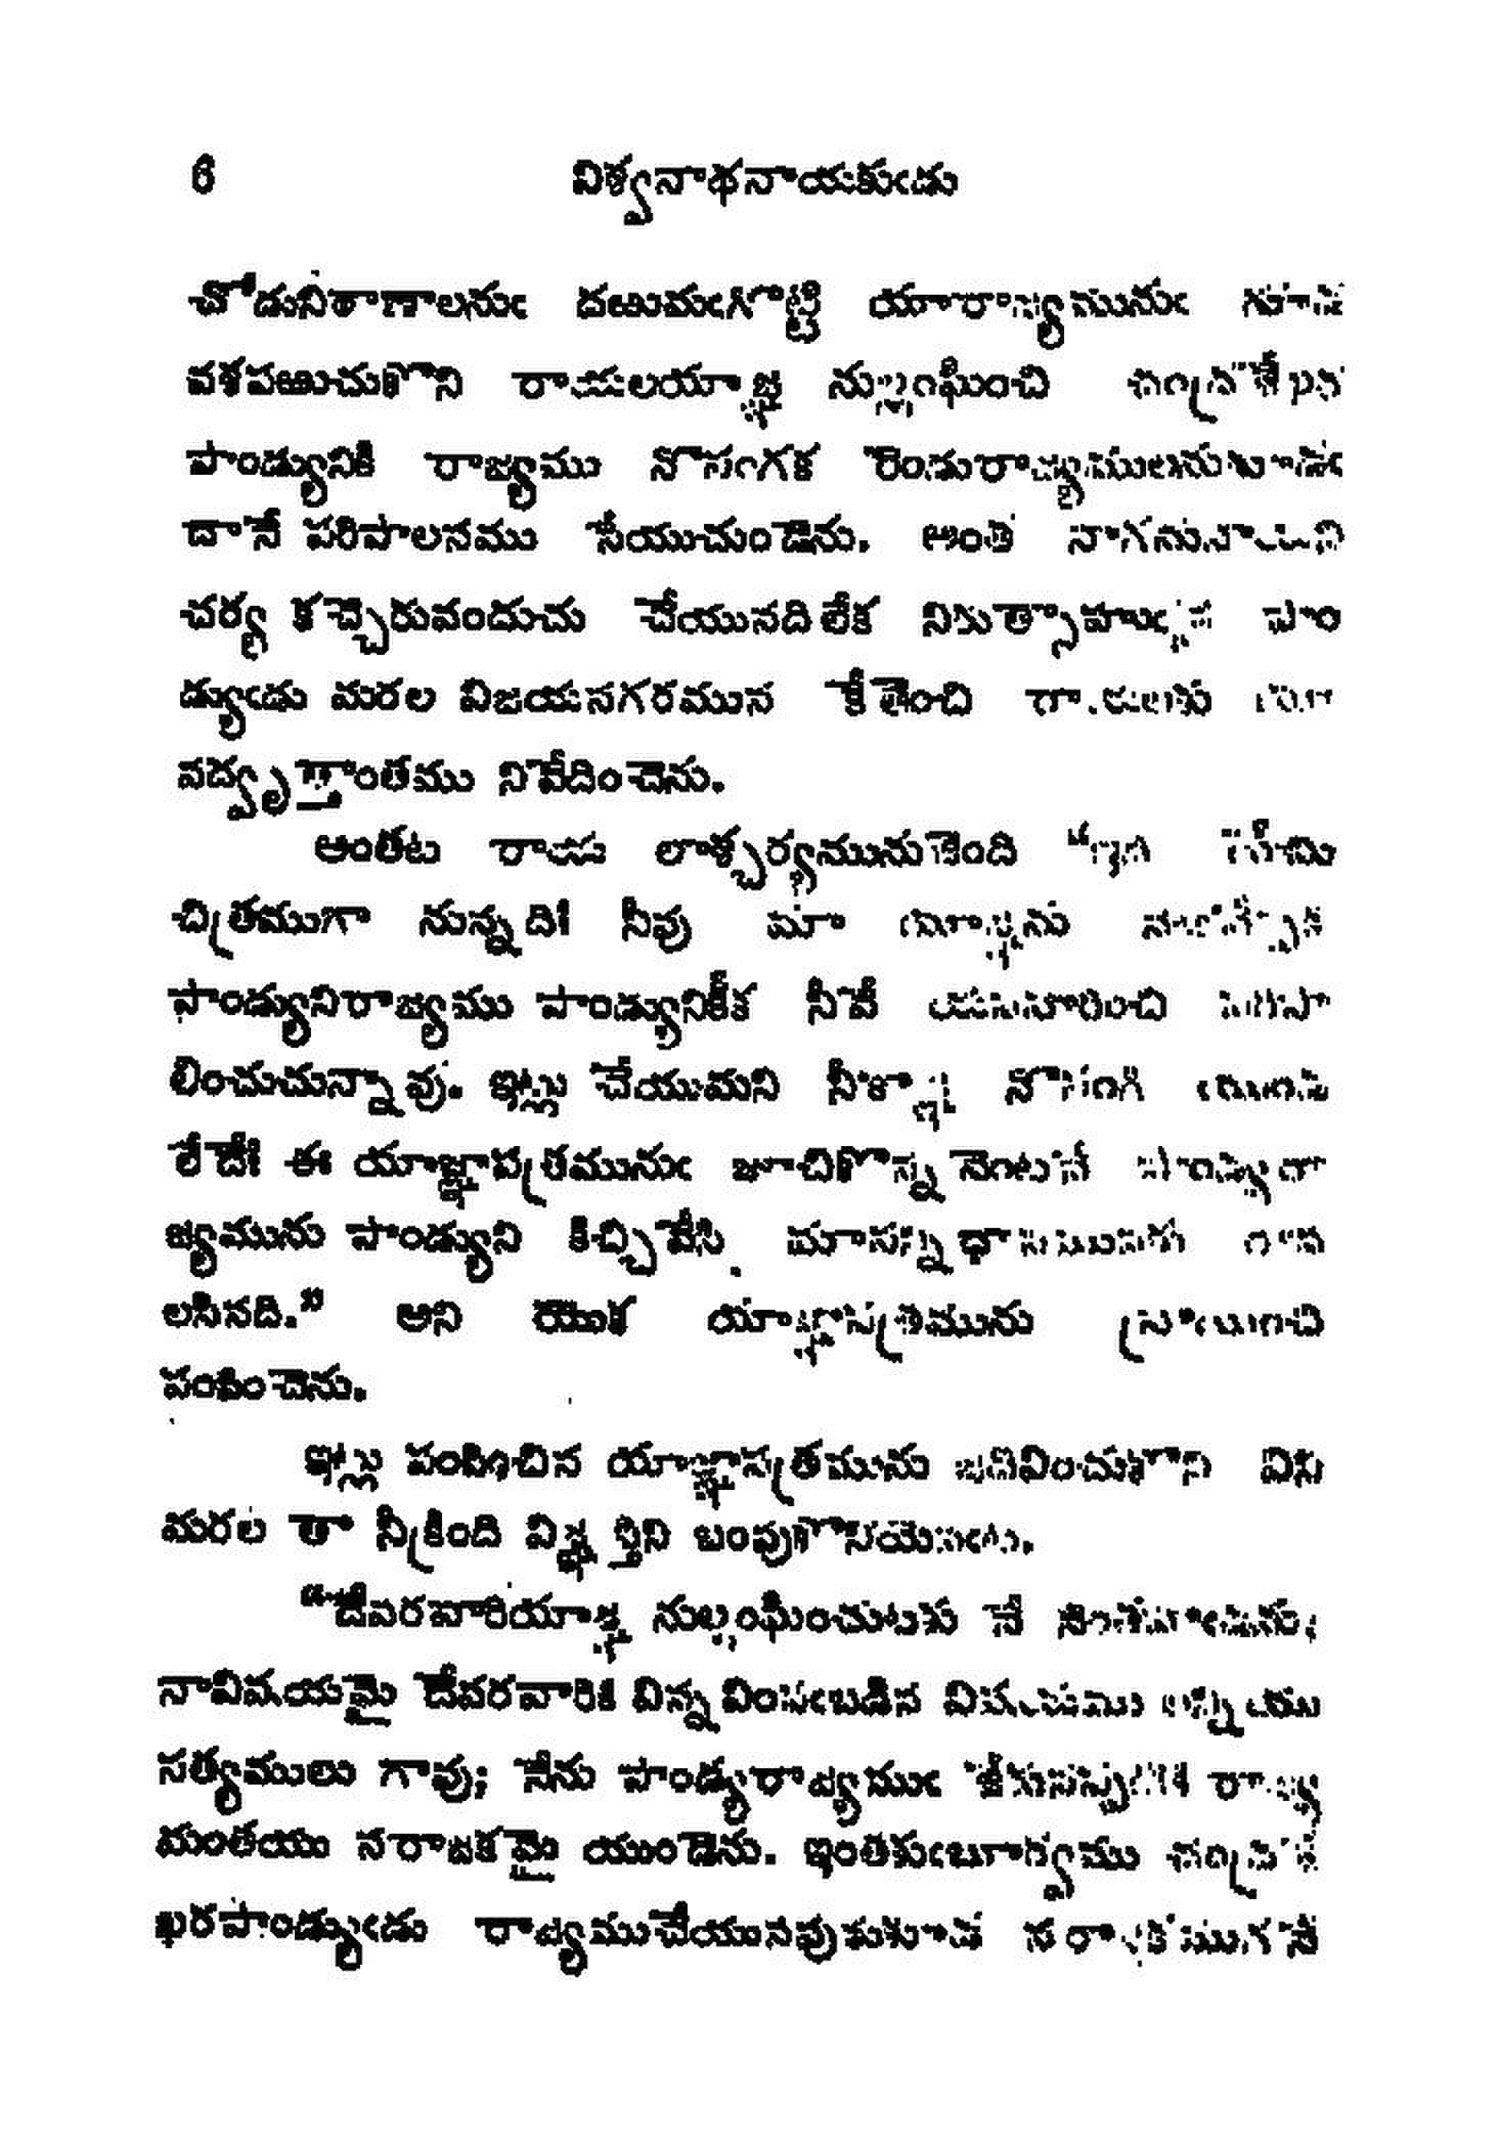చోడునిఠాణాలనుఁ దఱుమఁగొట్టి యారాజ్యమునుఁ గూడ వశపఱుచుకొని రాయలయాజ్ఞ నుల్లఘించి చంద్రశేఖర పాండ్యునికి రాజ్యము నొసంగక రెండురాజ్యములనుగూడఁ దానే పరిపాలనము సేయుచుండెను. అంత నాగమనాయని చర్య కచ్చెరువందుచు చేయునదిలేక నిరుత్సాహుఁడై పాండ్యుఁడు మరల విజయనగరమున కేతెంచి రాయలకు యావద్వృత్తాంతము నివేదించెను.

అంతట రాయ లాశ్చర్యమునుజెంది "ఇది యేమి చిత్రముగా నున్నది! నీవు మా యాజ్ఞాను నెఱవేర్పక పాండ్యునిరాజ్యము పాండ్యునికీక నీవే యపహరించి పరిపాలించుచున్నావు. ఇట్లు చేయుమని నీకాజ్ఞ నొసంగి యుండ లేదే! ఈ యాజ్ఞాపత్రమునుఁ జూచికొన్న వెంటనే పాండ్యరాజ్యమును పాండ్యుని కిచ్చివేసి మాసన్నిధానమునకు రావలసినది." అని యొక యాజ్ఞాపత్రమును వ్రాయించి పంపించెను.

ఇట్లు పంపించిన యాజ్ఞాపత్రమును జదివించుకొని విని మరల తా నీక్రింది విజ్ఞప్తిని బంపుకొనియెనఁట.

"దేవరవారియాజ్ఞ నుల్లంఘించుటకు నే నెంతవాఁడను; నావిషయమై దేవరవారికి విన్నవింపఁబడిన విషయము లన్నియు సత్యములు గావు; నేను పాండ్యరాజ్యముఁ జేరునప్పటికి రాజ్య మంతయు నరాజకమై యుండెను. ఇంతకుఁబూర్వము చంద్రశేఖరపాండ్యుఁడు రాజ్యముచేయునపుడుకూడ నరాజకముగనే